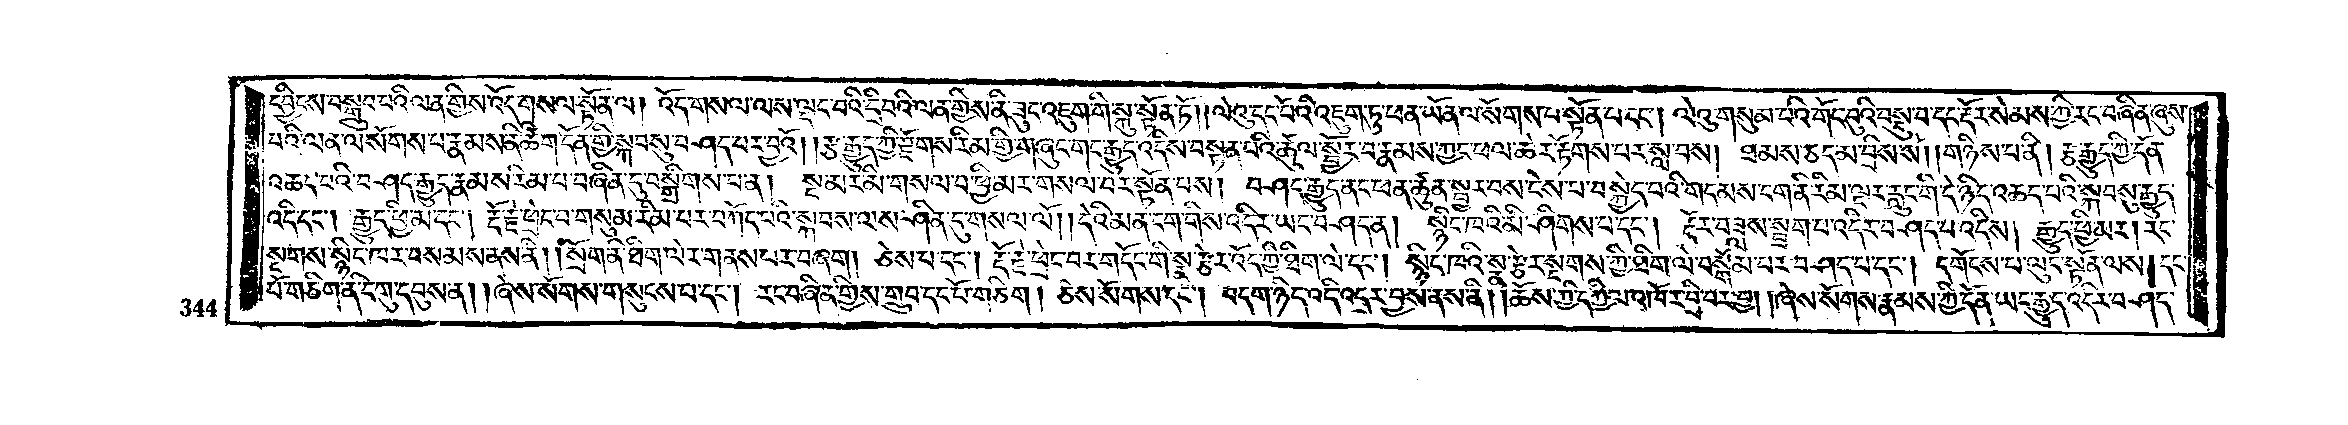དབྱིངས་བསྒྲུབ་པའི་ལན་གྱིས་འོད་གསལ་སྟོན་ལ། འོད་གསལ་ལས་ལྡང་བའི་དྲི་བའི་ལན་གྱིས་ནི་ཟུང་འཇུག་གི་སྐུ་སྟོན་ཏོ། །ལེའུ་དང་པོའི་འཇུག་ཏུ་ཕན་ཡོན་ལ་སོགས་པ་སྟོན་པ་དང་། ལེའུ་གསུམ་པའི་གོང་བུའི་བསྡུ་བ་དང་རྡོར་སེམས་ཀྱི་རང་བཞིན་ཞུས་
པའི་ལན་ལ་སོགས་པ་རྣམས་ནི་ཚིག་དོན་གྱི་སྐབས་སུ་བཤད་པར་བྱའོ། །རྩ་རྒྱུད་ཀྱི་རྫོགས་རིམ་གྱི་གཞུང་གང་རྒྱུད་འདིས་བསྟན་པའི་ཚུལ་སྦྱོར་བ་རྣམས་ཀྱང་ཕལ་ཆེར་རྟོགས་པར་སླ་བས། ཐམས་ཅད་མ་བྲིས་སོ། །གཉིས་པ་ནི། རྩ་རྒྱུད་ཀྱི་དོན་
འཆད་པའི་བཤད་རྒྱུད་རྣམས་རིམ་པ་བཞིན་དུ་བསྒྲིགས་པ་ན། སྔ་མར་མི་གསལ་བ་ཕྱི་མར་གསལ་བར་སྟོན་པས། བཤད་རྒྱུད་ནང་ཕན་ཚུན་སྦྱར་བས་ངེས་པ་བསྐྱེད་པའི་གདམས་ངག་ནི་རིམ་སྔར་རླུང་གི་དེ་ཉིད་འཆད་པའི་སྐབས་སུ་རྒྱུད་
འདི་དང་། རྒྱུད་ཕྱི་མ་དང་། རྡོ་རྗེ་ཕྲེང་བ་གསུམ་རིམ་པར་བཀོད་པའི་སྐབས་ལས་ཤིན་དུ་གསལ་ལོ། །དེའི་མན་ངག་གིས་འདིར་ཡང་བཤད་ན། སྙིང་ཁའི་མི་ཤིགས་པ་དང་། རྡོར་བཟླས་སྦྲག་པ་འདིར་བཤད་པ་འདིས། རྒྱུད་ཕྱི་མར། རང་
སྔགས་སྙིང་ཁར་བསམས་ནས་ནི། །སྲོག་ནི་ཐིག་ལེར་གནས་པར་བཞག །ཅེས་པ་དང་། རྡོ་རྗེ་ཕྲེང་བར་གདོང་གི་སྣ་རྩེར་འོད་ཀྱི་ཐིག་ལེ་དང་། སྙིང་གའི་སྣ་རྩེར་སྔགས་ཀྱི་ཐིག་ལེ་བསྒོམ་པར་བཤད་པ་དང་། དགོངས་པ་ལུང་སྟོན་ལས། དང་
པོ་གཅིག་ནི་དགུ་དབུས་ན། །ཞེས་སོགས་གསུངས་པ་དང་། རང་བཞིན་གྱིས་གྲུབ་དང་པོ་གཅིག །ཅེས་སོགས་དང་། བདག་ཉིད་འདི་འདྲར་བྱས་ནས་ནི། །ཆོས་ཀྱི་དཀྱིལ་འཁོར་བྲི་བར་བྱ། །ཞེས་སོགས་རྣམས་ཀྱི་དོན་ཡང་རྒྱུད་འདིར་བཤད་